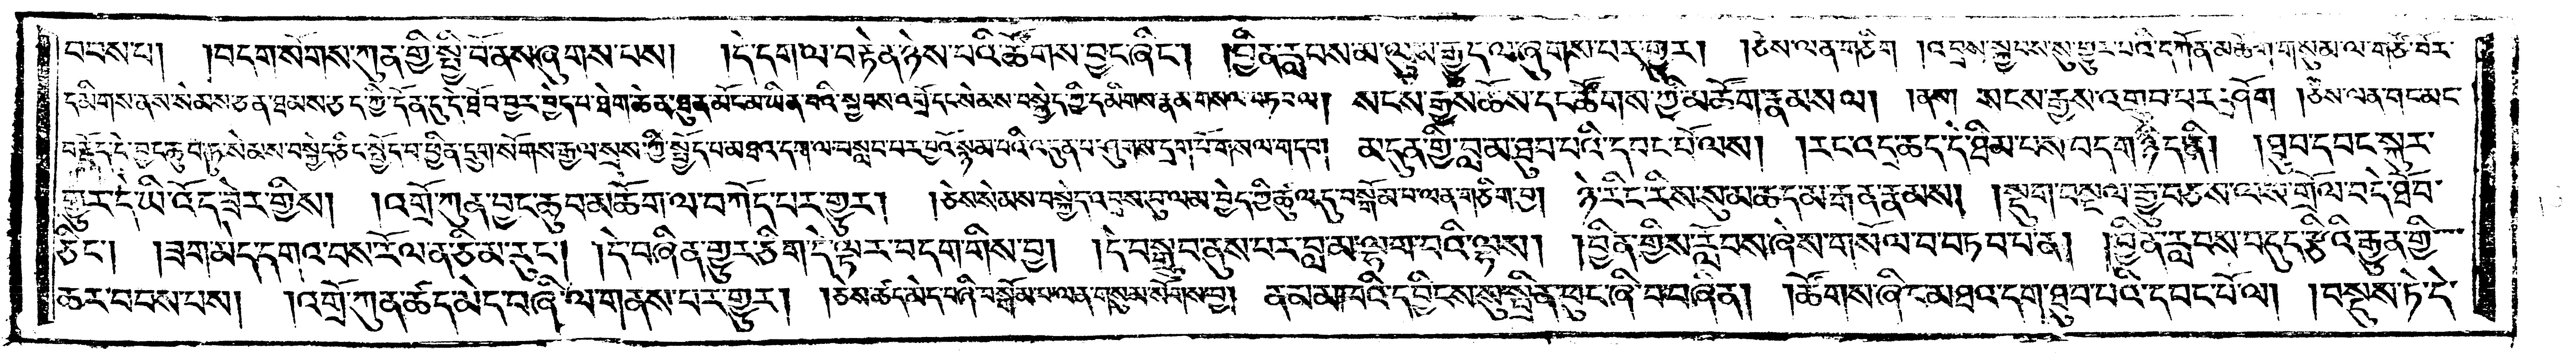བབས་པ། །བདག་སོགས་ཀུན་གྱི་སྤྱི་བོ་ནས་ཞུགས་པས། །དེ་དག་ལ་བརྟེན་ཉེས་པའི་ཚོགས་བྱང་ཞིང་། །བྱིན་རླབས་མ་ལུས་རྒྱུད་ལ་ཞུགས་པར་གྱུར། །ཅེས་ལན་གཅིག །འབྲས་སྐྱབས་སུ་གྱུར་པའི་དཀོན་མཆོག་གསུམ་ལ་གཙོ་བོར་
དམིགས་ནས་སེམས་ཅན་ཐམས་ཅད་ཀྱི་དོན་དུ་དེ་ཐོབ་བྱར་བྱེད་པ་ཐེག་ཆེན་ཐུན་མོང་མ་ཡིན་པའི་སྐྱབས་འགྲོ་དང་སེམས་བསྐྱེད་ཀྱི་དམིགས་རྣམ་གསལ་བཏབ་ལ། སངས་རྒྱས་ཆོས་དང་ཚོགས་ཀྱི་མཆོག་རྣམས་ལ། །ནས།  སངས་རྒྱས་འགྲུབ་པར་ཤོག །ཅེས་ལན་གང་མང་
བརྗོད་དེ་བྱང་ཆུབ་ཏུ་སེམས་བསྐྱེད་ཅིང་སྤྱོད་པ་ཕྱིན་དྲུག་སོགས་རྒྱལ་སྲས་ཀྱི་སྤྱོད་པ་མཐའ་དག་ལ་བསླབ་པར་བྱའོ་སྙམ་པའི་འདུན་པ་ཤུགས་དྲག་པོ་གསལ་གདབ། མདུན་གྱི་བླ་མ་ཐུབ་པའི་དབང་པོ་ལས། །རང་འདྲ་ཆད་དེ་ཐིམ་པས་བདག་ཉིད་ནི། །ཐུབ་དབང་སྐུར་
གྱུར་དེ་ཡི་འོད་ཟེར་གྱིས། །འགྲོ་ཀུན་བྱང་ཆུབ་མཆོག་ལ་བཀོད་པར་གྱུར། །ཅེས་སེམས་བསྐྱེད་འབྲས་བུ་ལམ་བྱེད་ཀྱི་ཚུལ་དུ་བསྒོམ་པ་ལན་གཅིག་བྱ།  ཉེ་རིང་རིས་སུ་མ་ཆད་མ་རྒན་རྣམས། །སྡུག་བསྔལ་རྒྱུ་བཅས་ལས་གྲོལ་བདེ་ཐོབ་
ཅིང་། །ཟག་མེད་དགའ་བས་རོལ་ན་ཅི་མ་རུང་། །དེ་བཞིན་གྱུར་ཅིག་དེ་ལྟར་བདག་གིས་བྱ། །དེ་བསྒྲུབ་ནུས་པར་བླ་མ་ལྷག་པའི་ལྷས། །བྱིན་གྱིས་རློབས་ཞེས་གསོལ་བ་བཏབ་པ་ན། །བྱིན་རླབས་བདུད་རྩིའི་རྒྱུན་གྱི་
ཆར་བབས་པས། །འགྲོ་ཀུན་ཚད་མེད་བཞི་ལ་གནས་པར་གྱུར། །ཅེས་ཚད་མེད་བཞི་བསྒོམ་པ་ལན་གསུམ་སོགས་བྱ།  ནམ་མཁའི་དབྱིངས་སུ་སྤྲིན་ཕུང་ཞི་བ་བཞིན། །ཚོགས་ཞིང་མཐའ་དག་ཐུབ་པའི་དབང་པོ་ལ། །བསྡུས་ཏེ་དེ་